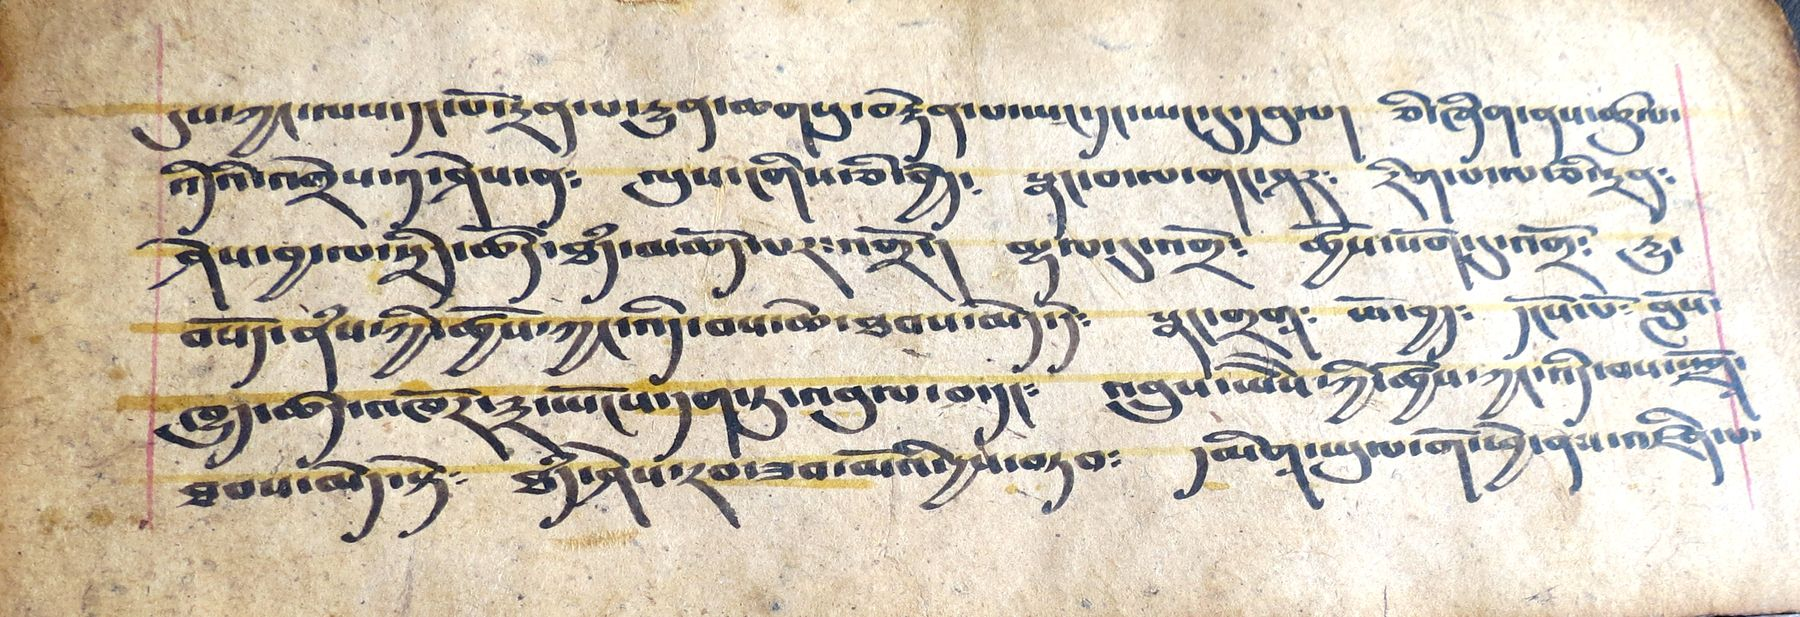དུས་ཀྱང་ལས་དང་པོ་དྲན་པ་རྒྱུན་ཆགས་སུ་བརྟེན་ལ་ཡང་དང་ཡང་དུ་འབུལ། ཅི་ཞིག་ནས་ཚུལ་
འདིའི་འདྲེས་ཤིག་ཤེས་ན། ལུས་ངག་གི་ཅི་བྱེད། སྣང་བ་ལ་གང་ཤར། རིག་པ་ལ་ཅི་དྲན། 
ཤེས་བྱ་ལ་སྲིད་ཚད་ཐམས་ཅད་མཆོད་པར་འགྲོ། མ་འདལ་དུ་འགྲོ། ཚོགས་སོགས་སུ་འགྲོ། རྒྱུ་
བསོད་ནམས་ཀྱི་ཚོགས་ཀྱང་འདི་བས་ཆེ་ཐབས་མེད་དེ། སྣང་གྲགས་ལོངས་སྤྱོད་དངོས་པོ་བློས་
འཁྱུད་ཚད་འཁོར་གསུམ་ཡང་དག་ཏུ་འབུལ་བ་དང་། འབྲས་བུ་ཡེ་ཤེས་ཀྱི་ཚོགས་ཀྱང་འདི་བས་རྫོགས་
ཐབས་མེད་དེ། ཐམས་ཅད་ཤེས་རབ་ཟབ་མོའི་རྒྱས་བཏབ་སྟེ་དམིགས་སྤྲུལ་གོ་ཕྱེས་ནས་འཛིན་པ་